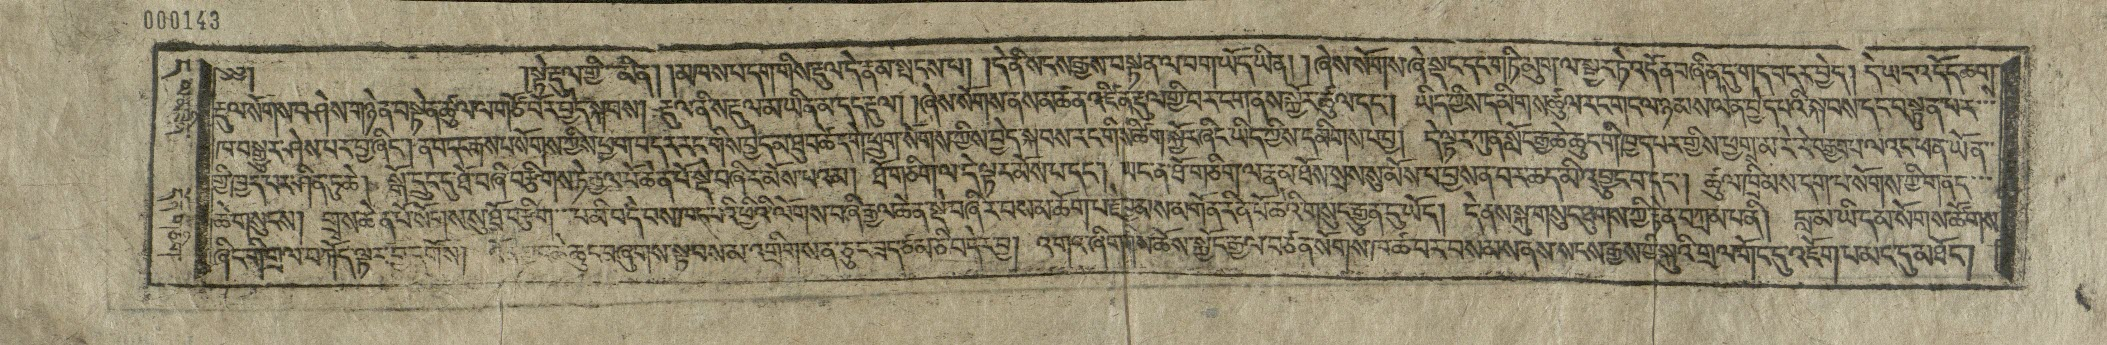༄༅། །སྟེ་རྡུལ་གྱི་མིན། །མཁས་པ་དག་གིས་རྡུལ་དེ་རྣམ་སྤངས་པ། །དེ་ནི་སངས་རྒྱས་བསྟན་ལ་བག་ཡོད་ཡིན། །ཞེས་སོགས་ཞེ་སྡང་དང་གཏི་མུག་ལ་སྦྱར་ཏེ་འདོན་བཞིན་དུ་གད་བདར་བྱེད། དེ་ཡང་འདོད་ཆགས་
རྡུལ་སོགས་བཤེས་གཉེན་བསྟེན་ཚུལ་ལ་གཙོ་བོར་བྱེད་སྐབས། རྡུལ་ནི་ས་རྡུལ་མ་ཡིན་མ་དད་རྡུལ། །ཞེས་སོགས་ནས་མཚན་འཛིན་རྡུལ་གྱི་བར་ངག་ནས་སྐྱོར་ཚུལ་དང་། ཡིད་ཀྱིས་དམིགས་ཚུལ་རང་གང་ལ་ཉམས་ལེན་བྱེད་པའི་སྐབས་དང་བསྟུན་པར་
ཁ་བསྒྱུར་ཤེས་པར་བྱ་ཞིང་། ན་བ་དང་རྒས་པ་སོགས་ཀྱིས་ཕྱག་བདར་རང་གིས་བྱེད་མ་ཐུབ་ཚེ་དགེ་ཕྲུག་སོགས་ཀྱིས་བྱེད་སྐབས་རང་གིས་ཚིག་སྐྱོར་ཞིང་ཡིད་ཀྱིས་དམིགས་པ་བྱ། དེ་ལྟར་ཀུན་སློང་རྒྱ་ཆེ་ཆུང་གི་ཁྱད་པར་གྱིས་ཕྱགས་མ་རེ་རེ་བརྒྱབ་པ་ལའང་ཕན་ཡོན་
གྱི་ཁྱད་པར་ཤིན་ཏུ་ཆེ། སྒོ་དྲུང་དུ་ཐོ་བཞི་བརྩིགས་ཏེ་རྒྱལ་པོ་ཆེན་པོ་སྡེ་བཞིར་མོས་པའམ། ཐོ་གཅིག་ལ་དེ་ལྟར་མོས་པ་དང་། ཡང་ན་ཐོ་གཅིག་ལ་རྣམ་ཐོས་སྲས་སུ་མོས་པ་བྱས་ན་བར་ཆད་མི་འབྱུང་བ་དང་། ཚུལ་ཁྲིམས་དག་པ་སོགས་ཀྱི་གནད་
ཆེ་གསུངས། གྲྭ་ས་ཆེན་པོ་སོགས་སུ་ཐོ་བརྩིག་པ་མི་བདེ་བས་ཁང་པའི་ཕྱིའི་ལོགས་བཞི་རྒྱལ་ཆེན་སྡེ་བཞིར་བསམ་ཆོག་པ་རྗེ་བྱམས་མགོན་རིན་པོ་ཆེའི་གསུང་རྒྱུན་དུ་ཡོད། དེ་ནས་སྐུ་གསུང་ཐུགས་ཀྱི་རྟེན་བཀྲམ་པ་ནི། བླ་མ་ཡི་དམ་སོགས་ཚོགས་
ཞིང་གི་གྲལ་བཀོད་ལྟར་བྱ་དགོས། འོན་ཀྱང་ཆེ་ཆུང་བཞུགས་སྟབས་མ་འགྲིགས་ན་ཅུང་ཟད་ཙམ་ཅི་བདེར་བྱ། འགའ་ཞིག་གིས་ཆོས་སྐྱོང་རྒྱལ་བཙན་སོགས་ཁ་ཚ་བར་བསམས་ནས་སངས་རྒྱས་ཀྱི་སྐུའི་གྲལ་གོང་དུ་འཇོག་པ་མང་དུ་མཐོང་།